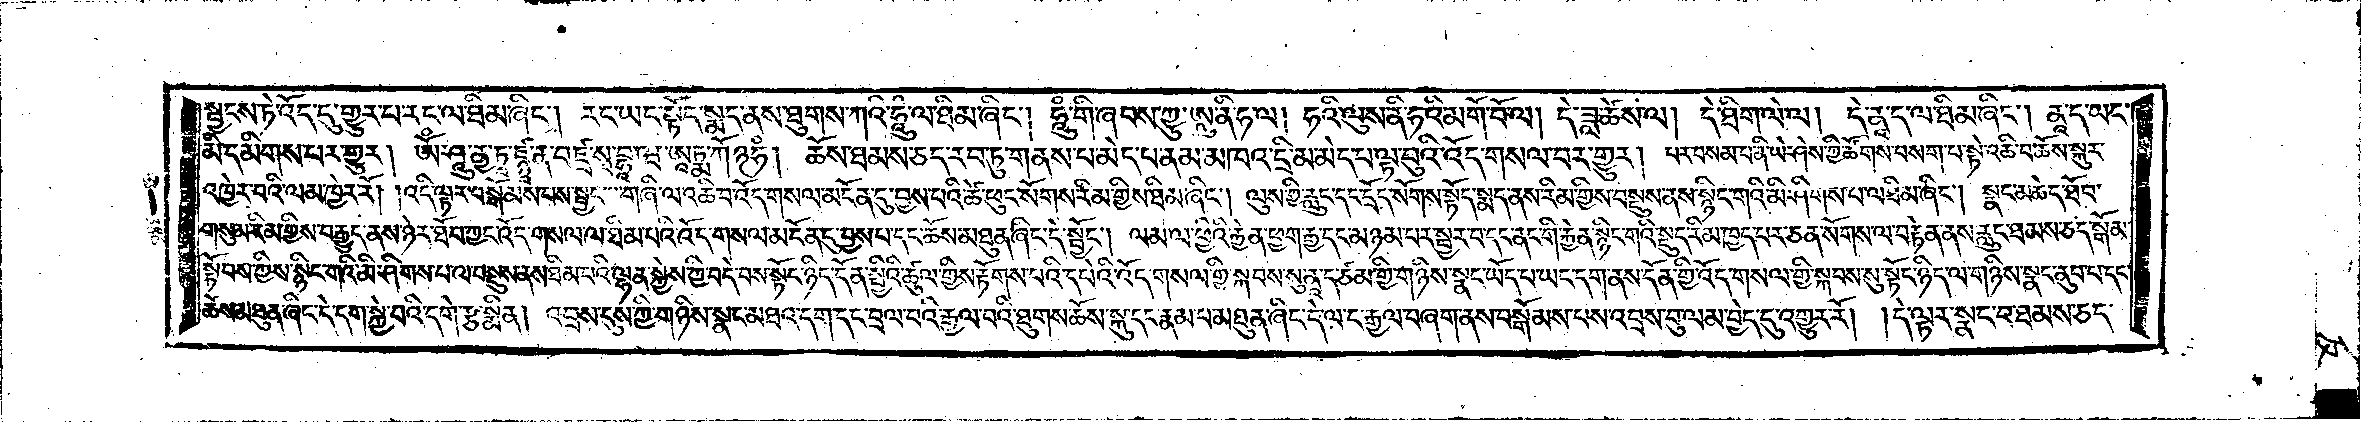སྦྱངས་ཏེ་འོད་དུ་གྱུར་པ་རང་ལ་ཐིམ་ཞིང་། རང་ཡང་སྟོད་སྨད་ནས་ཐུགས་ཀའི་ཧཱུཾ་ལ་ཐིམ་ཞིང་། ཧཱུཾ་གི་ཞབས་ཀྱུ་ཨཱུ་ནི་ཧ་ལ། ཧའི་ལུས་ནི་ཧའི་མགོ་བོ་ལ། དེ་ཟླ་ཚེས་ལ། དེ་ཐིག་ལེ་ལ། དེ་ནཱ་ད་ལ་ཐིམ་ཞིང་། ནཱ་ད་ཡང་
མི་དམིགས་པར་གྱུར། ཨོཾ་ཤཱུ་ནྱ་ཏཱ་ཛྙཱ་ན་བཛྲ་སྭ་བྷཱ་ཝ་ཨཱཏྨ་ཀོཉཧཾ། ཆོས་ཐམས་ཅད་རབ་ཏུ་གནས་པ་མེད་པ་ནམ་མཁའ་དྲི་མ་མེད་པ་ལྟ་བུའི་འོད་གསལ་བར་གྱུར། པར་བསམ་པ་ནི་ཡེ་ཤེས་ཀྱི་ཚོགས་བསག་པ་སྟེ་འཆི་བ་ཆོས་སྐུར་
འཁྱེར་བའི་ལམ་ཁྱེར་རོ། །འདི་ལྟར་བསྒོམས་པས་སྦྱང་གཞི་ལ་འཆི་བ་འོད་གསལ་མངོན་དུ་བྱས་པའི་ཚེ་ཕུང་སོགས་རིམ་གྱིས་ཐིམ་ཞིང་། ལུས་ཀྱི་རླུང་དང་དྲོད་སོགས་སྟོད་སྨད་ནས་རིམ་གྱིས་བསྡུས་ནས་སྙིང་གའི་མི་ཤིགས་པ་ལ་ཐིམ་ཞིང་། སྣང་མཆེད་ཐོབ་
གསུམ་རིམ་གྱིས་བརྒྱུད་ནས་ཉེར་ཐོབ་ཀྱང་འོད་གསལ་ལ་ཐིམ་པའི་འོད་གསལ་མངོན་དུ་བྱས་པ་དང་ཆོས་མཐུན་ཞིང་དེ་སྦྱོང་། ལམ་ལ་ཕྱིའི་རྐྱེན་ཕྱག་རྒྱ་དང་མཉམ་པར་སྦྱར་བ་དང་ནང་གི་རྐྱེན་སྙིང་གའི་སྡུད་རིམ་ཁྱད་པར་ཅན་སོགས་ལ་བརྟེན་ནས་རླུང་ཐམས་ཅད་སྒོམ་
སྟོབས་ཀྱིས་སྙིང་གའི་མི་ཤིགས་པ་ལ་བསྡུས་ནས་ཐིམ་པའི་ལྷན་སྐྱེས་ཀྱི་བདེ་བས་སྟོང་ཉིད་དོན་སྤྱིའི་ཚུལ་གྱིས་རྟོགས་པའི་དཔེའི་འོད་གསལ་གྱི་སྐབས་སུ་ནཱ་ད་ཙམ་གྱི་གཉིས་སྣང་ཡོད་པ་ཡང་དག་ནས་དོན་གྱི་འོད་གསལ་གྱི་སྐབས་སུ་སྟོང་ཉིད་ལ་གཉིས་སྣང་ནུབ་པ་དང་
ཆོས་མཐུན་ཞིང་དེ་དག་སྐྱེ་བའི་དགེ་རྩ་སྨིན། འདྲས་དུས་ཀྱི་གཉིས་སྣང་མཐའ་དག་དང་བྲལ་བའི་རྒྱལ་བའི་ཐུགས་ཆོས་སྐུ་དང་རྣམ་པ་མཐུན་ཞིང་དེ་ལ་ང་རྒྱལ་བཞག་ནས་བསྒོམས་པས་འབྲས་བུ་ལམ་བྱེད་དུ་འགྱུར་རོ། །དེ་ལྟར་སྣང་བ་ཐམས་ཅད་